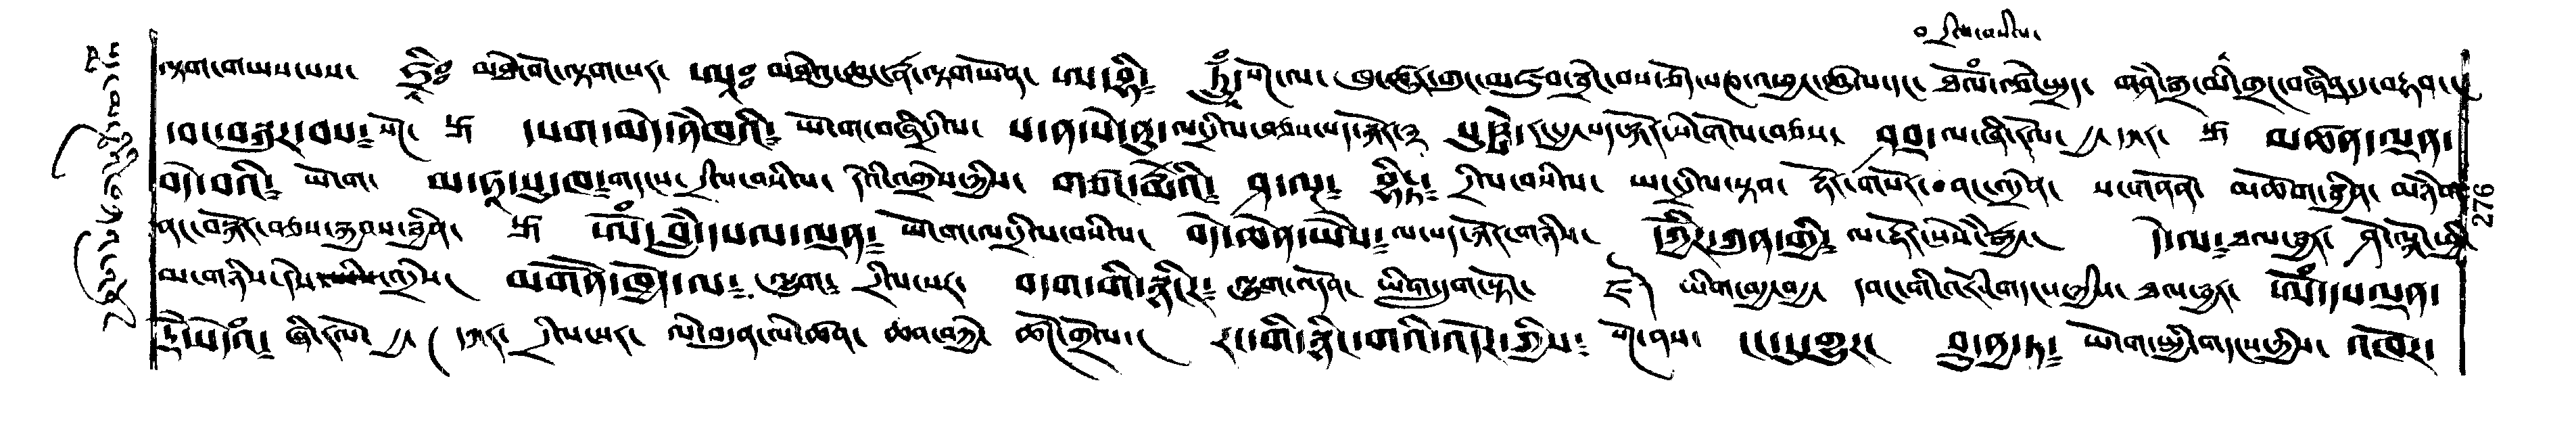ལྟག་གཡས་པར། ཧྲཱིཿ མཐེ་བོང་ལྟག་པར ཨཱཿ མཐེའུ་ཆུང་རྣ་ལྟག་གཡོན། ཨ་བྷི༴ ཏྲཱུྃ། སོགས་ལ་ཁུ་ཚུར་གུང་མཛུབ་སྦྲེང་བས་ཅོད་པཎ་འཕྱང་ཚུལ་དང་། ཐལ་མོ་རྩེ་སྤྲད། གཤམ་སྒྲ་མ་གྲགས་བཞིན་དུ་གདབ། 
དབང་བསྐུར་བས༴ སོགས། དཔག་མེད་ནམ་མཁའི༴ ཡོ་ག་བཞི་དྲིལ། པ་ན་པེ་ནུ་ལ་དྲིལ་བཅས་པད་སྐོར་གསུམ། པུཥྤེ༴ རང་རྒྱ་པད་སྐོར་སེ་གོལ་བཅས། ཤབྡ་ལ་ཞི་རོལ། རྒྱ། དཀར། མཚན་ལྡན་
བདེ་བའི༴ ཡོ་ག མ་ཧཱ་སུ་ཁ༴ གདངས། དྲིལ་བསིལ། དེའི་འགྲེས་ཀྱིས། གཙང་དམེའི༴ ཤ་ལྔ༴ བ་ལིངྟ༴ དྲིལ་བསིལ། ཡང་དྲིལ་སྟབ། རྡོར་གསོར། དྲིལ་བསིལ་ནང་འདྲེན།ས་གནོན། མཆོག་སྦྱིན། མཉམ་གཞག་
ནང་སྐོར་བཅས་སྐྱབས་སྦྱིན། ཨོཾ། བླ་མ་དཔལ་ལྡན༴ ཡོ་ག་ལ་དྲིལ་བསིལ། བདེ་ཆེན་ཡེ་ཤེས༴ ལ་པད་སྐོར་གཉིས། དཀྱིལ་འཁོར་ཀུན་གྱི༴ ལ་རྡོར་སེམས་རྒྱ། དེ་ལ༴ ཐལ་སྦྱར། ཤླཽ་ཀཕྱི་
མ་གཉིས་དེས་འགྲེས། མགོན་པོ་ཁྱོད་ལ༴ ལྷུག དྲིལ་བསིལ། བདག་གི་སྙིང་གར༴ ལྷུག་འདོན། ཡིག་དྲུག་སྟོང་། ཡིག་བརྒྱ་བརྒྱ། དབང་གི་འཇམ་གདངས་ཀྱིས། ཐལ་སྦྱར། ཨོཾ། དཔལ་ལྡན་
རྡོ་རྗེ་སེམས་དཔའ༴ ཞི་རོལ། རྒྱ། ཌཱ། དཀར། དྲིལ་བསིལ། ལེའུ་བདུན་ལེ་ཚན། ཆབ་བཀྱེ། ཚོགས་གྲོལ། རང་གི་སྙིང་གའི་འོད་ཟེར་གྱིས༴ སོགས་ནས། ངང་དུ་གྱུར། ཤུ་ནྱ་ཏ༴ ཡོ་ག་སྤྱི་གདངས་ཀྱིས། འཁོར་